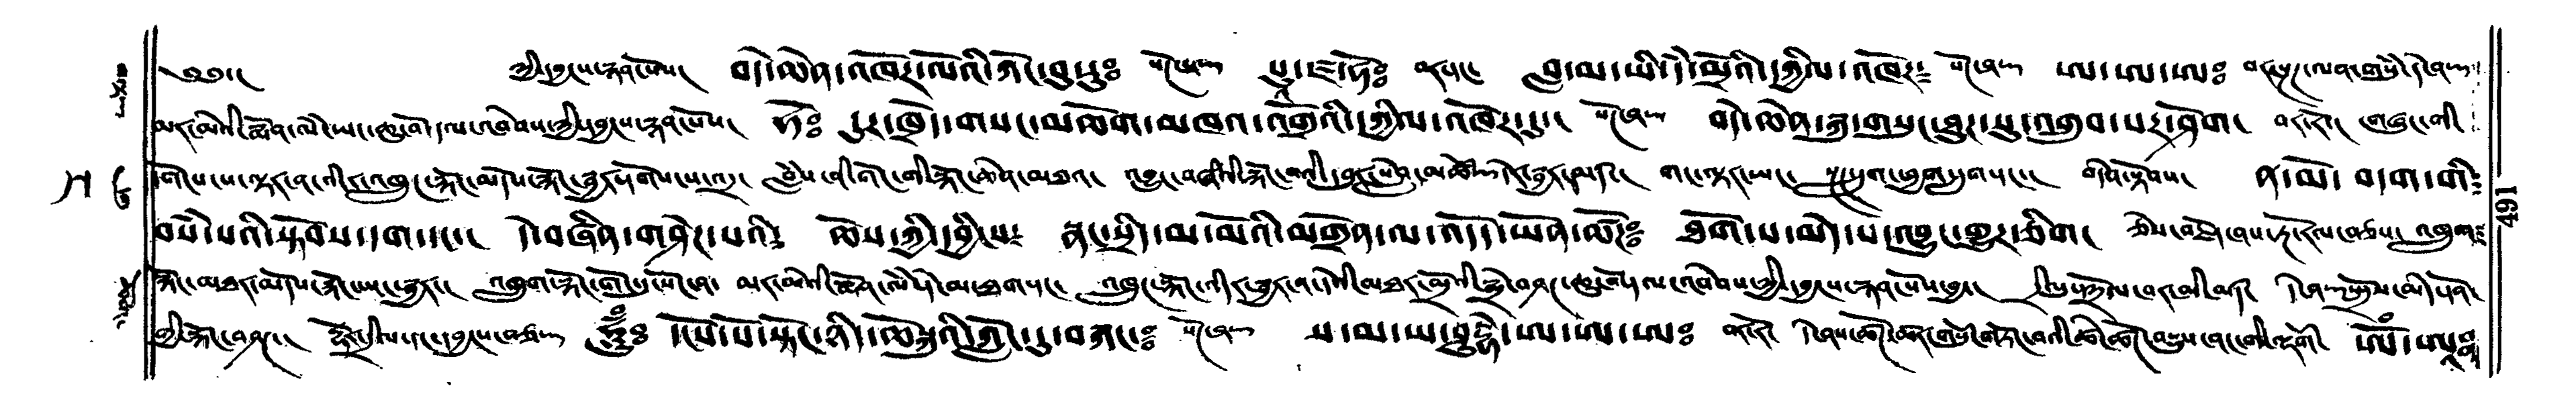ཀྱི་དབྱངས་སྙན་པོས། བདེ་ཆེན་འཁོར་ལོའི་ཀོང་བུ་རུ༔ སོགས་ནས། པཱུ་ཛ་ཧོཿ བར་དང་། བླ་མ་ཡི་དམ་མཁའ་འགྲོའི་དཀྱིལ་འཁོར༴ སོགས་ནས། ཨ་ཨ་ཨཿ བར་སྔགས་ལན་གསུམ། དེ་ནས་
མར་མེའི་སྨོན་ལམ་ཡང་ཆུ་བོ་དལ་འབེབས་ཀྱི་དབྱངས་སྙན་པོས། ཧོ༔ དུར་ཁྲོད་གསང་ཆེན་མཁའ་འགྲོའི་དཀྱིལ་འཁོར་དུ༔ སོགས་ནས། བདེ་ཆེན་སྐུ་གསུང་ཐུགས་སུ་འགྲུབ་པར་ཤོག༔ བར་རོ། གཞུང་གི་
དགོངས་པ་ལྟར་ན་འདིར་འཁྲུགས་སྐོང་མདོས་སྐོང་སྦྱར་དགོས་པ་འདྲ། བླ་མས་ནི་གོང་གི་སྐོང་ཆེན་མཐའ་འབྱུང་བཞིའི་སྐོང་བའི་དབུར་སླེབ་མཚམས་དེར་སྦྱར་བར་མཛད། གང་ལྟར་ཡང་། སྔགས་དྲུག་ཕྱག་དྲུག་དང་། བདེན་སྟོབས། ན་མོ། བདག་གི་
བསམ་པའི་སྟོབས་དག་དང་། དེ་བཞིན་གཤེགས་པའི༴ ཆོས་ཀྱི་དབྱིངས༴ སྣང་སྲིད་མ་མོའི་མགྲོན་ལ་འདོད་ཡོན་ཚོགས། །ཐོགས་པ་མེད་པ་འབྱུང་གྱུར་ཅིག །ཅེས་བརྗོད་ནས་རྔ་རོལ་བཅས། འཁྲུགས་
སྐོང་མཐར་མདོས་སྐོང་ཡང་སྦྱར།འཁྲུགས་སྐོང་གོང་དུ་སོང་ན། མར་མེའི་སྨོན་ལམ་དེ་མ་ཐག་དང་། འཁྲུགས་སྐོང་འདིར་སྦྱར་ན་དེའི་མཐར་མཁའ་འགྲོའི་སྨྲེ་བཤགས་ཆུ་བོ་དལ་འབེབས་ཀྱི་དབྱངས་སྙན་པོས་བྱ། དྲིལ་བུ་དཀྲོལ་བར་མི་མཛད། དེ་ནས་སྤྲོས་མེད་དོན་
གྱི་སྐོང་བཤགས། རྡོར་དྲིལ་དང་དབྱངས་བཅས། ཧཱུྃ༔ དངོས་པོ་སྟོང་ཉིད་ཆོས་སྐུའི་ཀློང་དུ་བསྐང༔ སོགས་ནས། ས་མ་ཡ་ཤཱུདྡྷེ་ཨ་ཨ་ཨཿ བར་རོ། དེ་ནས་ཚོགས་ཚར་གསུམ་གཏོང་བའི་ཚེ་ཚོགས་བསྡུས་ནང་གི་ལྷག་མ། ཨོཾ་ཨཱཿ